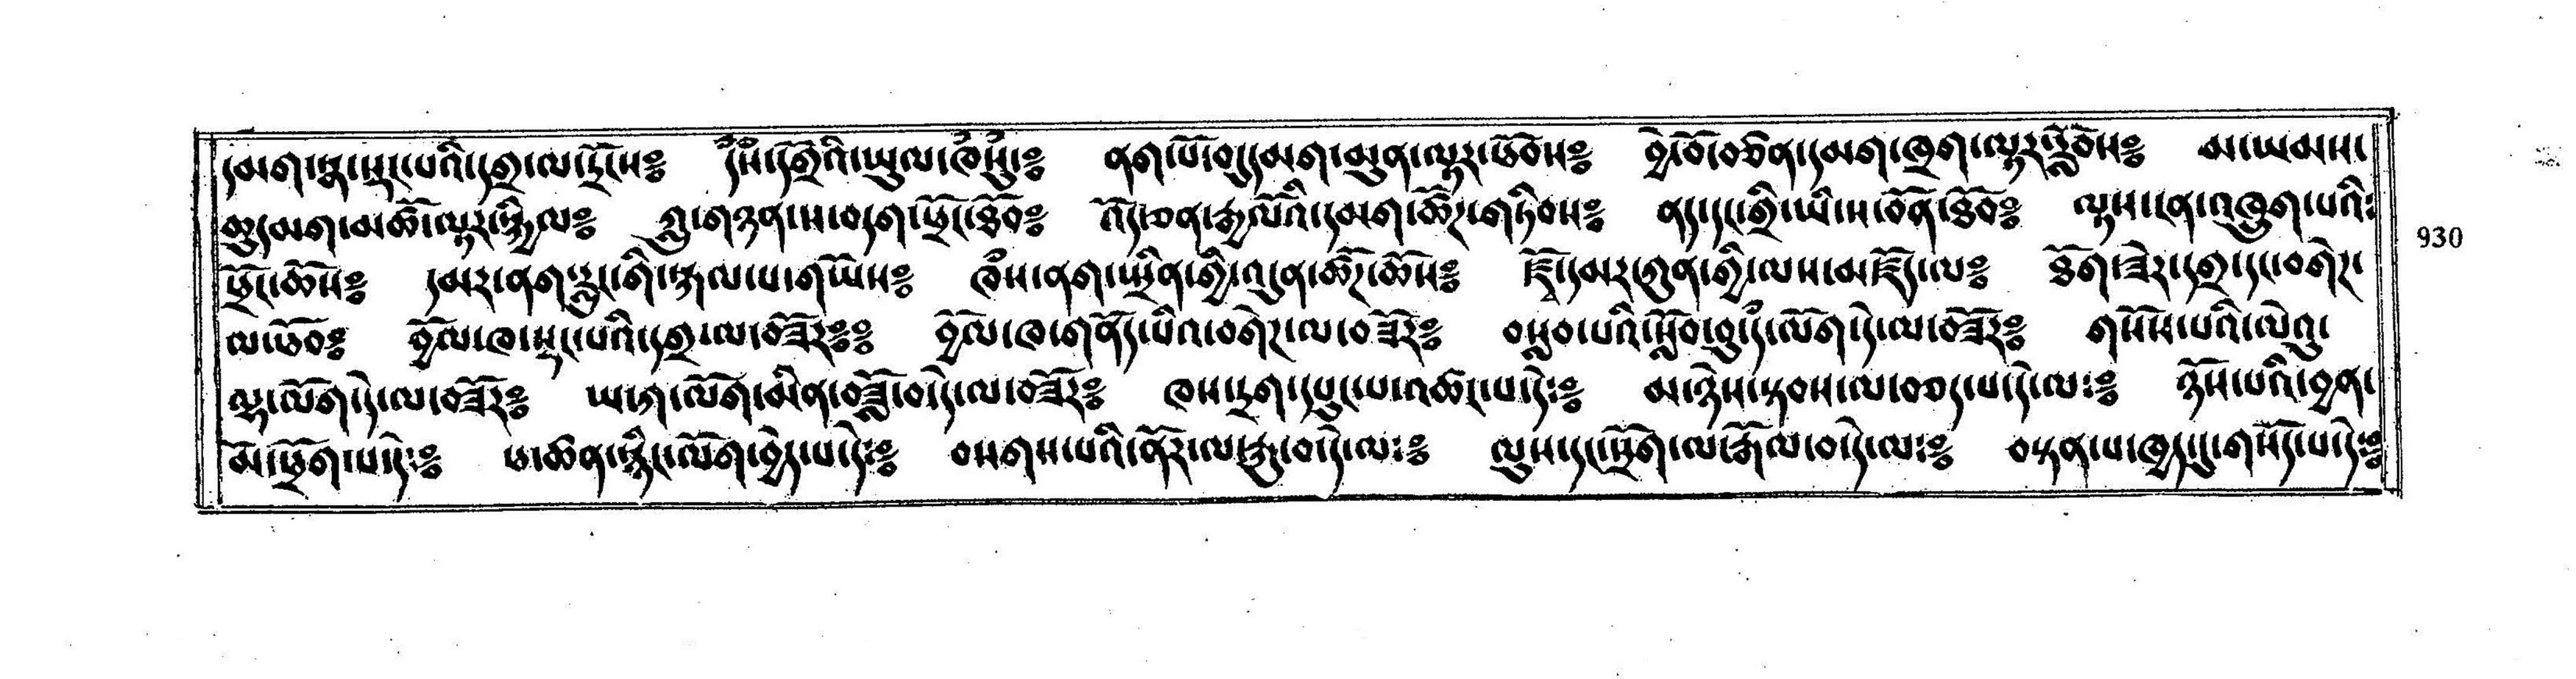དམག་སྣ་སྡང་པའི་དགྲ་ལ་དྲོངས༔ དམ་རྫས་དགྲ་བོའི་ཡུལ་ཁམས་གསུམ༔ ནག་པོ་བདུད་དམག་མུན་ལྟར་ཕོབས༔ བྱེ་བོ་བཙན་དམག་ཁྲག་ལྟར་རློབས༔ མ་ཡམས་
ཆུད་དམག་མཚོ་ལྟར་སྐྱིལ༔ ཀླུ་གཉན་ས་བདག་ཕོ་བྲང་ཐོབ༔ འོད་ཅན་རྒྱལ་པོའི་དམག་ཚོགས་གཏིབས༔ ནད་དང་གྲི་ཡི་ས་བོན་ཐོབ༔ ལྟས་ངན་འཁྲུག་པའི་
ཕོ་བྲང་ཆོས༔ དམར་ནག་རླུང་གི་སྐལ་པ་གཡོས༔ ཁམས་ནག་སྤྲིན་གྱི་འདུན་ཚོགས་ཆོས༔ ཛྭོ་དམར་ཀུན་གྱི་ལས་མཛོད་ལ༔ ཐོག་ཟེར་དགྲ་དང་བགེགས་
ལ་ཕོབ༔ བྱོལ་ཁ་སྡང་པའི་དགྲ་ལ་བཟོར༔༔ བྱོལ་ཁ་གནོད་པའི་བགེགས་ལ་བཟོར༔ བསླབ་པའི་སློབ་བུ་དམ་ལོག་དེ་ལ་བཟོར༔ གསོས་པའི་ལེའུ་
ལྷ་ལོག་དེ་ལ་བཟོར༔ ཡ་ཀ་ལོག་མིན་བཟློ་བ་དེ་ལ་བཟོར༔ ཁས་དྲག་དཔུང་པ་འཚང་པ་དེ༴༔ མ་ཉེས་སྟབས་ལ་བཅད་པ་དེ་ལ༴༔ ཉོས་པའི་བྱན་
མོ་ཕྲོག་པ་དེ༴༔ ཕ་ཚན་སྙིང་ལོག་བྱེད་པ་དེ༴༔ བསགས་པའི་ནོར་ལ་རྐུ་བ་དེ་ལ༴༔ ལུས་དང་སྲོག་ལ་རྒོལ་བ་དེ་ལ༴༔ བསྟན་པ་ཁྱད་དུ་གསོད་པ་དེ༴༔